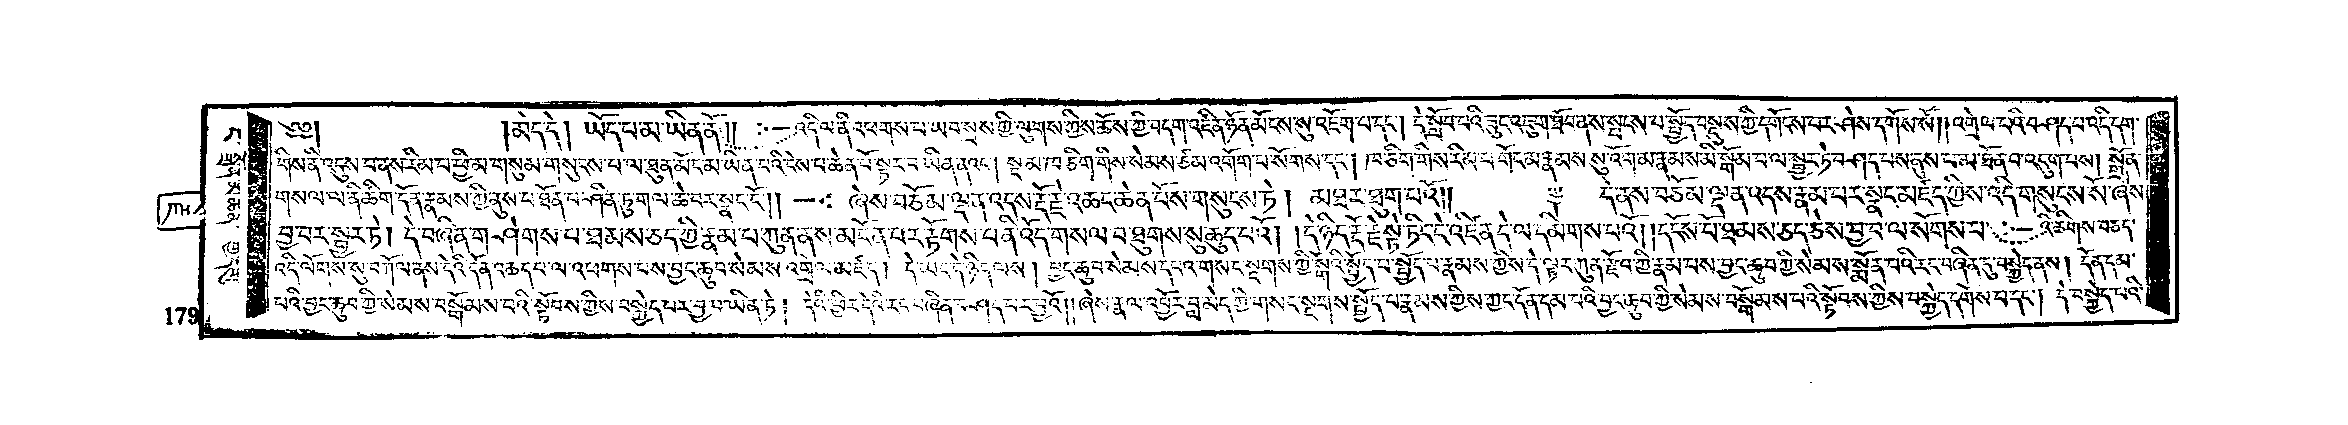༄༅། །མེད་དེ། ཡོད་པ་མ་ཡིན་ནོ།། H.་འདི་ལ་ནི་འཕགས་པ་ཡབ་སྲས་ཀྱི་ལུགས་ཀྱིས་ཆོས་ཀྱི་བདག་འཛིན་ཉོན་མོངས་སུ་འཇོག་པ་དང་། དེ་སློབ་པའི་ཟུང་འཇུག་ཐོབ་ནས་སྤངས་པ་སྤྱོད་བསྡུས་ཀྱི་དགོངས་པར་ཤེས་དགོས་སོ། །འགྲེལ་པའི་བཤད་པ་འདི་དག་
གིས་ནི་འདུས་པ་ནས་རིམ་པ་ཕྱི་མ་གསུམ་གསུངས་པ་ལ་ཐུན་མོང་མ་ཡིན་པའི་ངེས་པ་ཆེན་པོ་སྟེར་བ་ཡིན་ནའང་། སྔ་མ་ཁ་ཅིག་གིས་སེམས་ཙམ་འགོག་པ་སོགས་དང་། ཁ་ཅིག་གིས་རིམ་པ་གོང་མ་རྣམས་སུ་འོག་མ་རྣམས་མི་སྒོམ་པ་ལ་སྦྱར་ཏེ་བཤད་པས་ནུས་པ་མ་ཐོན་པ་འདུག་པས། སྒྲོན་
གསལ་ལ་ནི་ཚིག་དོན་རྣམས་ཀྱི་ནུས་པ་ཐོན་པ་ཤིན་ཏུ་གལ་ཆེ་བར་སྣང་ངོ།། .H ཞེས་བཅོམ་ལྡན་འདས་རྡོ་རྗེ་འཆང་ཆེན་པོས་གསུངས་ཏེ། མཐར་ཐུག་པའོ།། ༈ དེ་ནས་བཅོམ་ལྡན་འདས་རྣམ་པར་སྣང་མཛད་ཀྱིས་འདི་གསུངས་སོ་ཞེས་
བྱ་བར་སྦྱར་ཏེ། དེ་བཞིན་གཤེགས་པ་ཐམས་ཅད་ཀྱི་རྣམ་པ་ཀུན་ནས་མངོན་པར་རྟོགས་པ་ནི་འོད་གསལ་བ་ཐུགས་སུ་ཆུད་པའོ། །དེ་ཉིད་རྡོ་རྗེ་སྟེ་ཏིང་ངེ་འཛིན་དེ་ལ་དམིགས་པའོ། །དངོས་པོ་ཐམས་ཅད་ཅེས་བྱ་བ་ལ་སོགས་པ་H.་འི་ཚིགས་བཅད་
འདི་ལོགས་སུ་བཀོལ་ནས་དེའི་དོན་འཆད་པ་ལ་འཕགས་པས་བྱང་ཆུབ་སེམས་འགྲེལ་མཛད། དེ་ཡང་དེ་ཉིད་ལས། བྱང་ཆུབ་སེམས་དཔའ་གསང་སྔགས་ཀྱི་སྒོའི་སྤྱོད་པ་སྤྱོད་པ་རྣམས་ཀྱིས་དེ་ལྟར་ཀུན་རྫོབ་ཀྱི་རྣམ་པས་བྱང་ཆུབ་ཀྱི་སེམས་སྨོན་པའི་རང་བཞིན་དུ་བསྐྱེད་ནས། དོན་དམ་
པའི་བྱང་ཆུབ་ཀྱི་སེམས་བསྒོམས་པའི་སྟོབས་ཀྱིས་བསྐྱེད་པར་བྱ་བ་ཡིན་ཏེ། དེའི་ཕྱིར་དེའི་རང་བཞིན་བཤད་པར་བྱའོ། །ཞེས་རྣལ་འབྱོར་བླ་མེད་ཀྱི་གསང་སྔགས་སྤྱོད་པ་རྣམས་ཀྱིས་ཀྱང་དོན་དམ་པའི་བྱང་ཆུབ་ཀྱི་སེམས་བསྒོམས་པའི་སྟོབས་ཀྱིས་བསྐྱེད་དགོས་པ་དང་། དེ་བསྐྱེད་པའི་